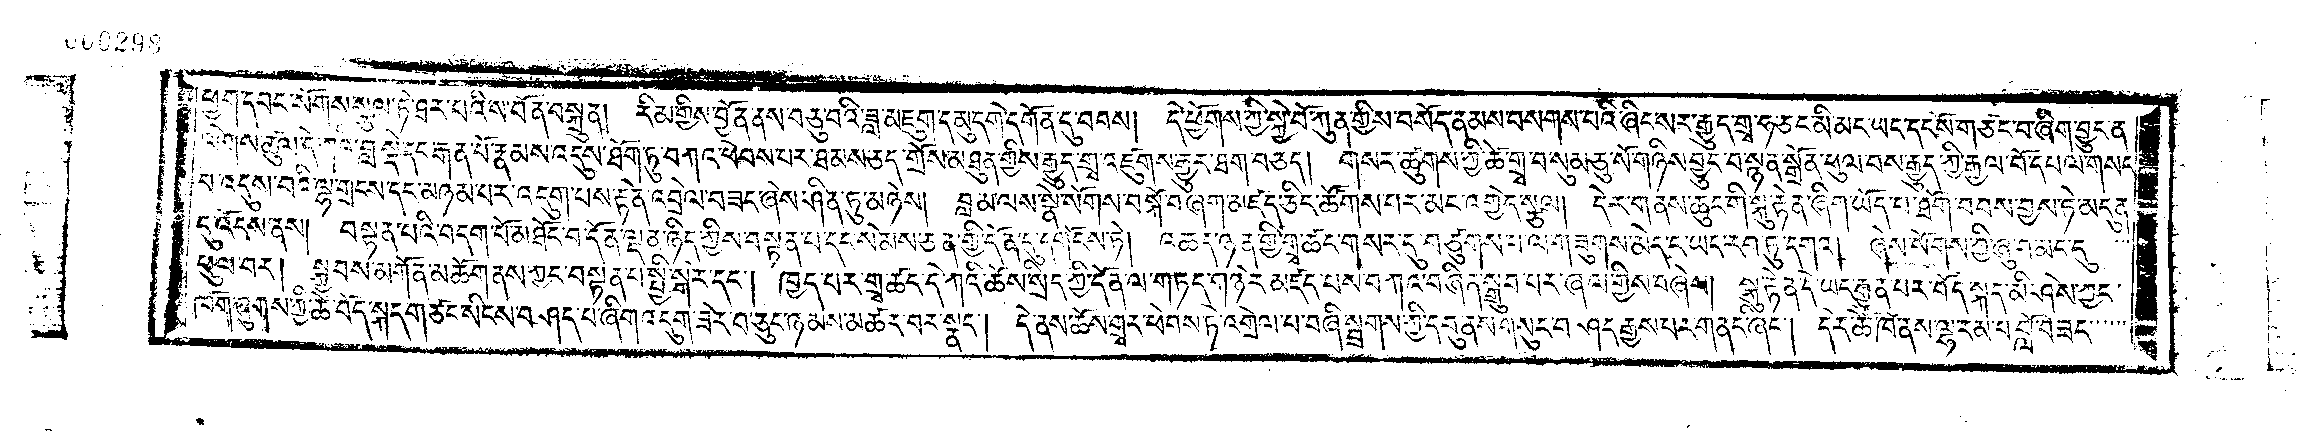ཕྱག་དབང་སོགས་སྩལ་ཏེ་ཐར་པའི་ས་བོན་བསྐྲུན། རིམ་གྱིས་བྱོན་ནས་བཅུ་པའི་ཟླ་མཇུག་དམུ་དགེ་དགོན་དུ་བབས། དེ་ཕྱོགས་ཀྱི་སྐྱེ་པོ་ཀུན་གྱིས་བསོད་ནམས་བསགས་པའི་ཞིང་སར་རྒྱུད་གྲྭ་ཧ་ཅང་མི་མང་ཡང་དངོས་གཙང་བ་ཞིག་བྱུང་ན་
ལེགས་ཚུལ་དེ་ཀའི་བླ་སྡེ་དང་རྒན་པོ་རྣམས་འདུས་ཐོག་ཏུ་བཀའ་ཕེབས་པར་ཐམས་ཅད་གྲོས་མཐུན་གྱིས་རྒྱུད་གྲྭ་འཛུགས་རྒྱུར་ཐག་བཅད། གསར་ཚུགས་ཀྱི་ཚེ་གྲྭ་བ་སུམ་ཅུ་སོ་གཉིས་བྱུང་བ་སྙན་སྒྲོན་ཕུལ་པས་རྒྱུད་ཀྱི་རྒྱལ་པོ་དཔལ་གསང་
བ་འདུས་བའི་ལྷ་གྲངས་དང་མཉམ་པར་འདུག་པས་རྟེན་འབྲེལ་བཟང་ཞེས་ཤིན་ཏུ་མཉེས། བླ་མ་ལས་སྣེ་སོགས་བསྐོ་བཞག་མཛད་ཅིང་ཚོགས་པར་མང་འགྱེད་སྩལ། དེར་གནས་ཆུང་གི་སྐུ་རྟེན་ཞིག་ཡོད་པ་ཐོག་བབས་བྱས་ཏེ་མདུན་
དུ་འོངས་ནས། བསྟན་པའི་བདག་པོ་མཐོང་བ་དོན་ལྡན་ཉིད་ཀྱིས་བསྟན་པ་དང་སེམས་ཅན་གྱི་དོན་དུ་དགོངས་ཏེ། འཆད་ཉན་གྱི་གྲྭ་ཚང་གསར་དུ་བཙུགས་པ་ལ་གཟུགས་མེད་ང་ཡང་རབ་ཏུ་དགའ། ཞེས་སོགས་ཀྱི་ཞུ་བ་མང་དུ་
ཕུལ་བར། སྐྱབས་མགོན་མཆོག་ནས་ཀྱང་བསྟན་པ་སྤྱི་སྒེར་དང་། ཁྱད་པར་གྲྭ་ཚང་དེ་ཀའི་ཆོས་སྲིད་ཀྱི་དོན་ལ་གཏད་གཉེར་མཛད་པས་བཀའ་བཞིན་སྒྲུབ་པར་ཞལ་གྱིས་བཞེས། སྐུ་རྟེན་དེ་ཡང་རྒྱུན་པར་བོད་སྐད་མི་ཤེས་ཀྱང་
ཁོག་ཞུགས་ཀྱི་ཚེ་བོད་སྐད་གཙང་སིངས་བཤད་པ་ཞིག་འདུག་ཟེར་བ་ཅུང་ཉམས་མཚར་བར་སྣང་། དེ་ནས་ཆོས་གྲྭར་ཕེབས་ཏེ་འགྲེལ་པ་བཞི་སྦྲགས་ཀྱི་དབུ་ནས་གསུང་བཤད་རྒྱས་པར་གནང་ཞིང་། དེར་ཚེ་ཁོ་ནས་ལྷ་རམ་པ་བློ་བཟང་